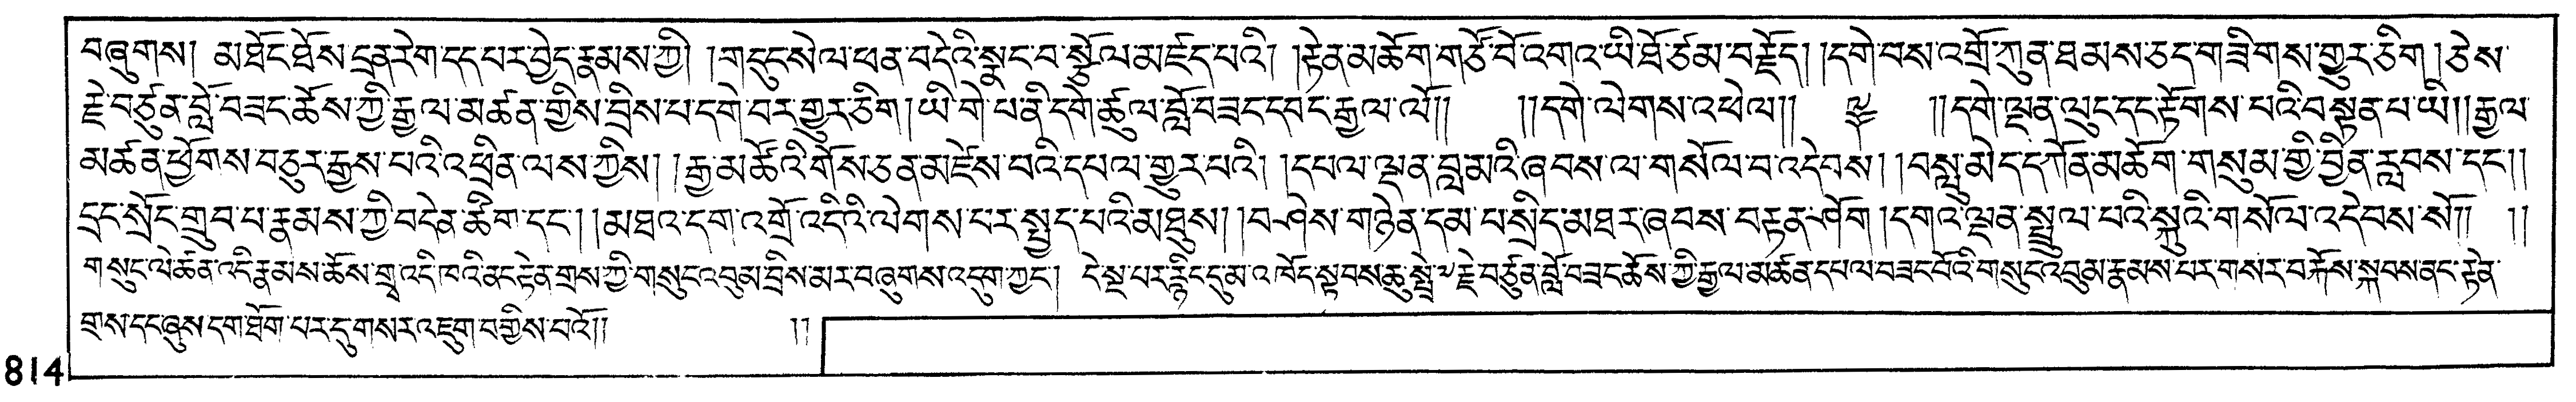བཞུགས། མཐོང་ཐོས་དྲན་རེག་དད་པར་བྱེད་རྣམས་ཀྱི། །གདུང་སེལ་ཕན་བདེའི་སྣང་བ་སྩོལ་མཛད་པའི། །རྟེན་མཆོག་གཙོ་བོ་འགའ་ཡི་ཐོ་ཙམ་བརྗོད། །དགེ་བས་འགྲོ་ཀུན་ཐམས་ཅད་གཟིགས་གྱུར་ཅིག །ཅེས་
རྗེ་བཙུན་བློ་བཟང་ཆོས་ཀྱི་རྒྱལ་མཚན་གྱིས་བྲིས་པ་དགེ་བར་གྱུར་ཅིག །ཡི་གེ་པ་ནི་དགེ་ཚུལ་བློ་བཟང་དབང་རྒྱལ་ལོ།། །།དགེ་ལེགས་འཕེལ།། ༈ །།དགེ་ལྡན་ལུང་དང་རྟོགས་པའི་བསྟན་པ་ཡི། །རྒྱལ་
མཚན་ཕྱོགས་བཅུར་རྒྱས་པའི་འཕྲིལ་ལས་ཀྱིས། །རྒྱལ་མཚོའི་གོས་ཅན་མཛེས་པའི་དཔལ་གྱུར་པའི། །དཔལ་ལྡན་བླ་མའི་ཞབས་ལ་གསོལ་བ་འདེབས། །བསླུ་མེད་དཀོན་མཆོག་གསུམ་གྱི་བྱིན་རླབས་དང།།
དྲང་སྲོང་གྲུབ་པ་རྣམས་ཀྱི་བདེན་ཚིག་དང་། །མཐའ་དག་འགྲོ་འདིའི་ལེགས་པར་སྤྱད་པའི་མཐུས། །བཤེས་གཉེན་དམ་པ་སྲིད་མཐར་ཞབས་བརྟན་ཤོག །དགའ་ལྡན་སྤྲུལ་པའི་སྐུའི་གསོལ་འདེབས་སོ།། །།
གསུང་ལེ་ཚན་འདི་རྣམས་ཆོས་གྲྭ་འདི་ཁའི་ནང་རྟེན་གྲས་ཀྱི་གསུང་འབུམ་བྲིས་མར་བཞུགས་འདུག་ཀྱང་། དེ་སྔ་པར་རྙིང་དུ་མ་འཁོད་སྟབས་ཆུ་སྤྲེ་༧་རྗེ་བཙུན་བློ་བཟང་ཆོས་ཀྱི་རྒྱལ་མཚན་དཔལ་བཟང་པོའི་གསུང་འབུམ་རྣམས་པར་གསར་བརྐོས་སྐབས་ནང་རྟེན་
གྲས་དང་ཞུས་དག་ཐོག་པར་དུ་གསར་འཇུག་བགྱིས་པའོ།། །